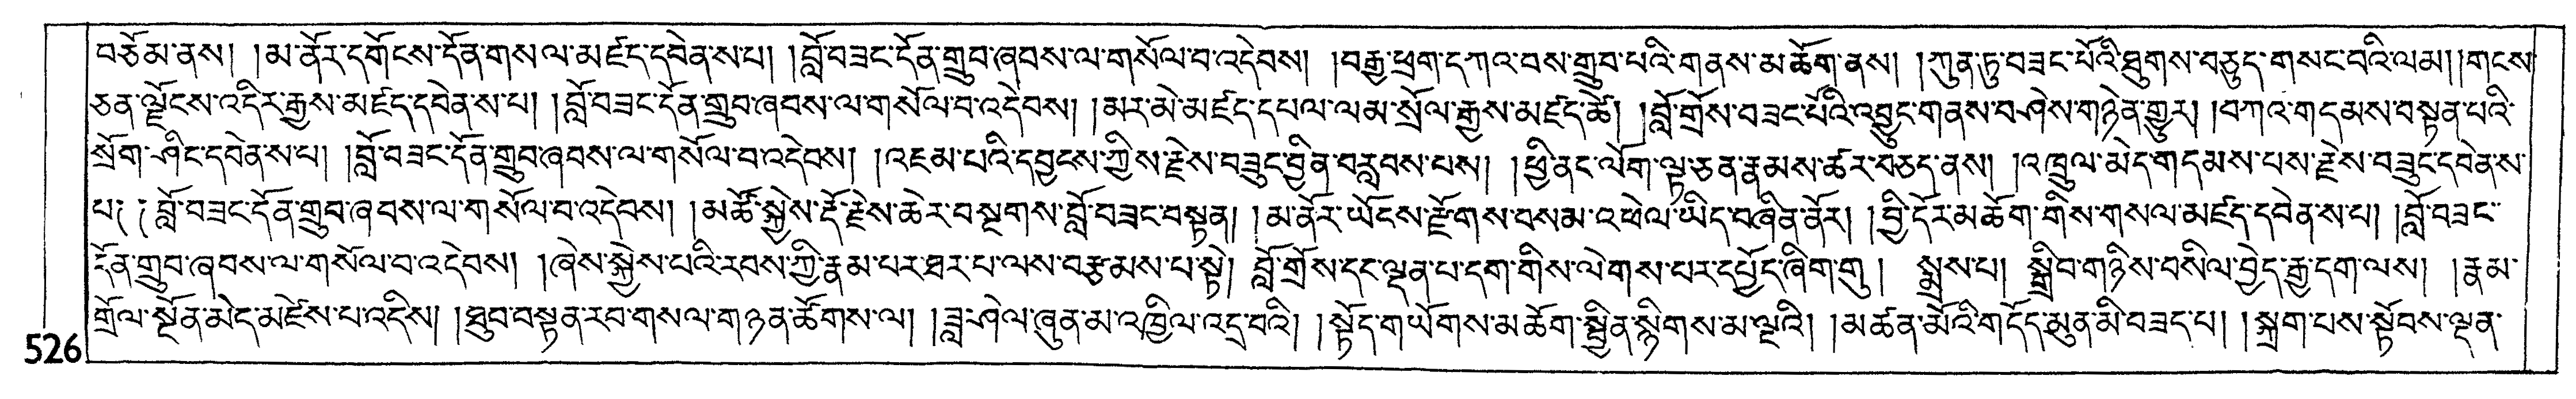བཅོམ་ནས། །མ་ནོར་དགོངས་དོན་གསལ་མཛད་དབེན་ས་པ། །བློ་བཟང་དོན་གྲུབ་ཞབས་ལ་གསོལ་བ་འདེབས། །བརྒྱ་ཕྲག་དཀའ་བས་གྲུབ་པའི་གནས་མཆོག་ནས། །ཀུན་ཏུ་བཟང་པོའི་ཐུགས་བཅུད་གསང་བའི་ལམ། །གངས་
ཅན་ལྗོངས་འདིར་རྒྱས་མཛད་དབེན་ས་པ། །བློ་བཟང་དོན་གྲུབ་ཞབས་ལ་གསོལ་བ་འདེབས། །མར་མེ་མཛད་དཔལ་ལམ་སྲོལ་རྒྱས་མཛད་ཚེ། །བློ་གྲོས་བཟང་པོའི་འབྱུང་གནས་བཤེས་གཉེན་གྱུར། །བཀའ་གདམས་བསྟན་པའི་
སྲོག་ཤིང་དབེན་ས་པ། །བློ་བཟང་དོན་གྲུབ་ཞབས་ལ་གསོལ་བ་འདེབས། །འཇམ་པའི་དབྱངས་ཀྱིས་རྗེས་བཟུང་བྱིན་བརླབས་པས། །ཕྱི་ནང་ལོག་ལྟ་ཅན་རྣམས་ཚར་བཅད་ནས། །འཁྲུལ་མེད་གདམས་པས་རྗེས་བཟུང་དབེན་ས་
པ༑ ༑བློ་བཟང་དོན་གྲུབ་ཞབས་ལ་གསོལ་བ་འདེབས། །མཚོ་སྐྱེས་རྡོ་རྗེས་ཆེར་བསྔགས་བློ་བཟང་བསྟན། །མ་ནོར་ཡོངས་རྫོགས་བསམ་འཕེལ་ཡིད་བཞིན་ནོར། །བྱི་དོར་མཆོག་གིས་གསལ་མཛད་དབེན་ས་པ། །བློ་བཟང་
དོན་གྲུབ་ཞབས་ལ་གསོལ་བ་འདེབས། །ཞེས་སྐྱེས་པའི་རབས་ཀྱི་རྣམ་པར་ཐར་པ་ལས་བརྩམས་པ་སྟེ། བློ་གྲོས་དང་ལྡན་པ་དག་གིས་ལེགས་པར་དཔྱོད་ཞིག་གུ །སྨྲས་པ། སྒྲིབ་གཉིས་བསེལ་བྱེད་རྒྱ་དག་ལས། །རྣམ་
གྲོལ་སྔོན་མེད་མཛེས་པ་འདིས། །ཐུབ་བསྟན་རབ་གསལ་གཉན་ཚོགས་ལ། །ཟླ་ཤེལ་ཞུན་མ་འཁྱིལ་འདྲ་བའི། །སྟོད་གཡོགས་མཆོག་སྦྱིན་སྙིགས་མ་ལྔའི། །མཚན་མོའི་གདོད་མུན་མི་བཟད་པ། །སྐྲག་པས་སྟོབས་ལྡན་